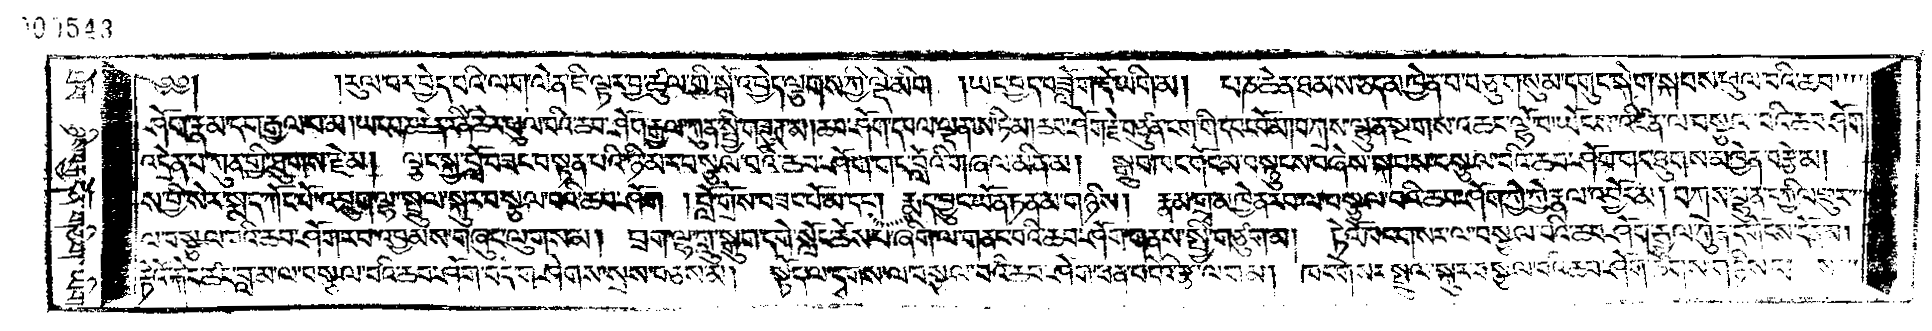༄༅། །རུལ་བར་བྱེད་པའི་ལག་ལེན་ཇི་ལྟར་བྱ་ཚུལ་གྱི་སྒོ་འབྱེད་ལྕགས་ཀྱི་ལྡེ་མིག །ཡང་བྱད་བཟློག་རྡོ་ཡིག་མ། པཎ་ཆེན་ཐམས་ཅད་མཁྱེན་པ་བཅུ་གསུམ་དགུང་སྐེག་སྐབས་ཕུལ་བའི་ཆབ་
ཤོག་རྣམ་དག་རྒྱལ་བ་མ་།ཡང་པཎ་ཆེན་རི་ནོ་ཆེར་ཕུལ་བའི་ཆབ་ཤོག་རྒྱལ་ཀུན་སྤྱི་གཟུཊ་མ། ཆབ་ཤོག་དཔལ་ལྡན་ཨ་ཏི་མ། ཆབ་ཤོག་རྗེ་བཙུན་ངག་གི་དབང་བོ་མ། བཀྲས་ལྷུན་སྔགས་འཆང་ལྷོ་བ་ཡོངས་འཛིན་ལ་བསྩལ་བའི་ཆབ་ཤོག་
འདྲེན་པ་ཀུན་གྱི་ཐུགས་རྗེ་མ། ལྕང་སྐྱ་བློ་བཟང་བསྟན་པའི་ཉི་མར་བསྩལ་བའི་ཆབ་ཤོག་གང་བློའི་གཞལ་མིན་མ། སྒྲུབ་ཁང་གོང་མ་བསྙུངས་བཞེས་སྐབས་བསྩལ་བའི་ཆབ་ཤོག་གང་ཐུགས་མཁྱེན་བརྩེ་མ།
ས་བྱི་སེར་སྨད་ཀོང་པོ་འབྲུག་ལྷ་སྤྲུལ་སྐུར་བསྩལ་བའི་ཆབ་ཤོག །བློ་གྲོས་བཟང་པོ་མ་དང་རྨད་བྱུང་ཡོན་ཏན་མ་གཉིས།  རྣམ་གྲྭ་མཁྱེན་རབ་ལ་བསྩལ་བའི་ཆབ་ཤོག་ཀྱེ་ཀྱེ་རྣལ་འབྱོར་མ། བཀྲས་ལྷུན་དཀྱིལ་ཟུར་
ལ་བསྩལ་བའི་ཆབ་ཤོག་རབ་འབྱམས་གཞུང་ལུགས་མ། བྲག་ལྷ་ཀླུ་སྒུག་དགེ་སློང་ཆོས་པ་ཞིག་ལ་གནང་བའི་ཆབ་ཤོག་གནས་སྤྱི་གཙུག་མ། ཏེའོ་ཁང་གསར་ལ་བསྩལ་བའི་ཆབ་ཤོག་རྒྱལ་ཀུན་དགོངས་དོན་མ།
རྟེའོ་རྐེད་ཚང་བླ་མ་ལ་བསྩལ་བའི་ཆབ་ཤོག་བདེ་གཤེགས་སྲས་བཅས་མ། སྟོད་ལ་དྭགས་ལ་བསྩལ་བའི་ཆབ་ཤོག་ཕན་བདེའི་རྩ་ལག་མ། ཁང་གསེར་སྤྲུལ་སྐུར་བསྩལ་བའི་ཆབ་ཤོག་ཚོགས་གཉིས་ལས་